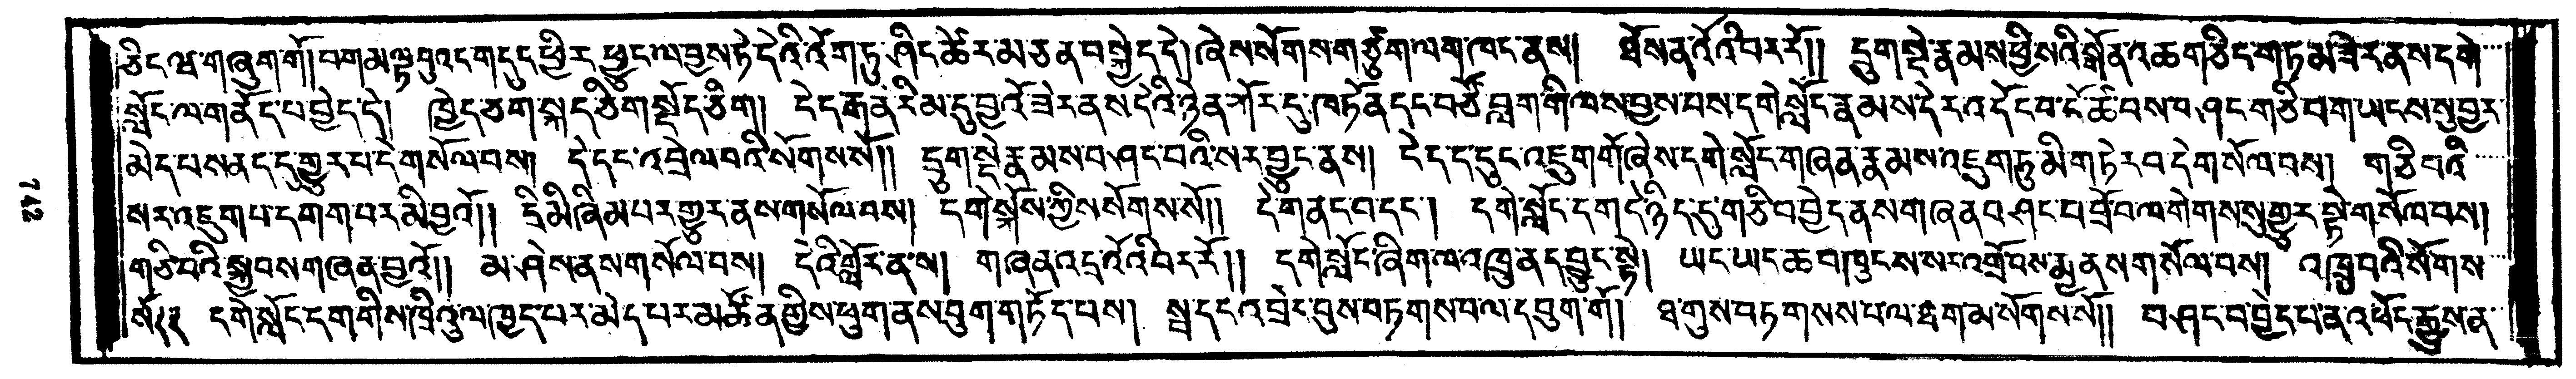ཅིང་ཝ་གཞུག་གོ། བགམ་ལྟ་བུའང་གདུང་ཕྱིར་ཕྱུང་ལ་བྱས་ཏེ་དེའི་འོག་ཏུ་ཤིང་ཚེར་མ་ཅན་བསྐྱེད་དེ། ཞེས་སོགས་གཙུག་ལག་ཁང་ནས། ཐོས་ནའོའི་བར་རོ།། དྲུག་སྡེ་རྣམས་ཕྱི་སའི་སྒོན་འཆག་ཅིང་གཏམ་ཟེར་ནས་དགེ་
སློང་ལ་གནོད་པ་བྱེད་དེ། ཁྱེད་ཅག་སྐད་ཅིག་སྡོད་ཅིག། དེད་རྒན་རིམ་དུ་བྱའོ་ཟེར་ནས་དེའི་ཉེན་ཀོར་དུ་ཁ་ཏོན་དང་བཙོ་བླག་གི་ལས་བྱས་པས་དགེ་སློང་རྣམས་དེར་འདོང་བ་ངོ་ཚ་བས་བཤད་གཅི་བག་ཡངས་སུ་བྱར་
མེད་པས་ནད་དུ་གྱུར་པ་དེ་གསོལ་བས། དེ་དང་འབྲེལ་བའི་སོགས་སོ།། དྲུག་སྡེ་རྣམས་བཤད་པའི་སར་བྱུང་ནས། ངེད་ད་དུང་འཇུག་གོ་ཞེས་དགེ་སློང་གཞན་རྣམས་འཇུག་ཏུ་མི་གཏེར་བ་དེ་གསོལ་བས། གཅི་བའི་
སར་འཇུག་པ་དགག་པར་མི་བྱའོ།། དྲི་མི་ཞིམ་པར་གྱུར་ནས་གསོལ་བས། དགེ་སྐོས་ཀྱིས་སོགས་སོ།། དེ་གནང་བ་དང་། དགེ་སློང་དག་དེ་ཉིད་དུ་གཅི་བ་བྱེད་ནས་གཞན་བཤད་པ་བྲོ་བ་ལ་གེགས་སུ་གྱུར་སྟེ་གསོལ་བས།
གཅི་བའི་སྐྱབས་གཞན་བྱའོ།། མ་ཤེས་ནས་གསོལ་བས། དེའི་གློར་ན་ས། གཞན་འདྲ་འོའི་བར་རོ།། དགེ་སློང་ཞིག་ལ་འཁྲུ་ནད་བྱུང་སྟེ། ཡང་ཡང་ཆབ་ཁུངས་སར་འགྲོ་བས་རྨྱ་ནས་གསོལ་བས། འཁྲུ་བའི་སོགས་
སོ༑༑ དགེ་སློང་དག་གིས་ཁྲིའུ་ལ་ཁྱད་པར་མེད་པར་མཚོན་གྱིས་ཕུག་ནས་བུག་གཏོད་པས། སྦ་དང་འབྲེང་བུས་བཏགས་པ་ལ་དབུག་གོ། ཐ་གུས་བཏགས་ས་པ་ལ་ཐག་མ་སོགས་སོ།། བཤད་པ་བྱེད་པ་ན་འཕོང་རྒྱུས་ན་